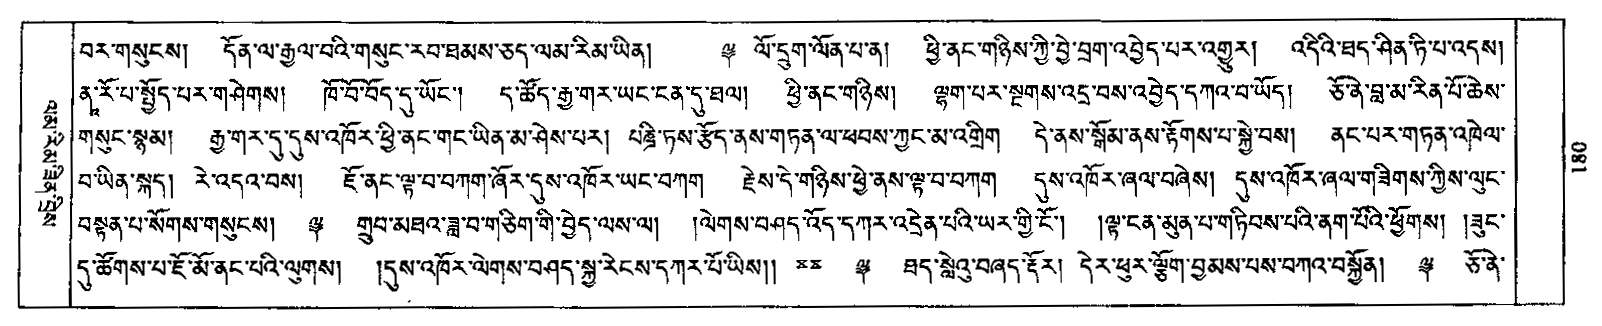བར་གསུངས། དོན་ལ་རྒྱལ་བའི་གསུང་རབ་ཐམས་ཅད་ལམ་རིམ་ཡིན། ༈ ལོ་དྲུག་ལོན་པ་ན། ཕྱི་ནང་གཉིས་ཀྱི་བྱེ་བྲག་འབྱེད་པར་འགྱུར། འདིའི་ཐད་ཤིན་ཏི་པ་འདས།
ནཱ་རོ་པ་སྤྱོད་པར་གཤེགས། ཁོ་བོ་བོད་དུ་ཡོང་། ད་ཚོད་རྒྱ་གར་ཡང་ངན་དུ་ཐལ། ཕྱི་ནང་གཉིས། ལྷག་པར་སྔགས་འདྲ་བས་འབྱེད་དཀའ་བ་ཡོད། ཅོ་ནེ་བླ་མ་རིན་པོ་ཆེས་
གསུང་སྙམ། རྒྱ་གར་དུ་དུས་འཁོར་ཕྱི་ནང་གང་ཡིན་མ་ཤེས་པར། པཎྜི་ཏས་རྩོད་ནས་གཏན་ལ་ཕབས་ཀྱང་མ་འགྲིག་དེ་ནས་སྒོམ་ནས་རྟོགས་པ་སྐྱེ་བས། ནང་པར་གཏན་འཁེལ་
བ་ཡིན་སྐད། རེ་འདའ་བས། ཇོ་ནང་ལྟ་བ་བཀག་ཞོར་དུས་འཁོར་ཡང་བཀག་རྗེས་དེ་གཉིས་ཕྱེ་ནས་ལྟ་བ་བཀག་དུས་འཁོར་ཞལ་བཞེས། དུས་འཁོར་ཞལ་གཟིགས་ཀྱིས་ལུང་
བསྟན་པ་སོགས་གསུངས། ༈ གྲུབ་མཐའ་ཟླ་བ་གཅིག་གི་བྱེད་ལས་ལ། །ལེགས་བཤད་འོད་དཀར་འདྲེན་པའི་ཡར་གྱི་ངོ། །ལྟ་ངན་མུན་པ་གཏིབས་པའི་ནག་པོའི་ཕྱོགས། །ཟུང་
དུ་ཚོགས་པ་ཇོ་མོ་ནང་པའི་ལུགས། །དུས་འཁོར་ལེགས་བཤད་སྐྱ་རེངས་དཀར་པོ་ཡིས།། ༈ ཐད་སླེའུ་བཞད་རྡོར། དེར་ཕུར་ལྕོག་བྱམས་པས་བཀའ་བསྐྱོན། ༈ ཅོ་ནེ་